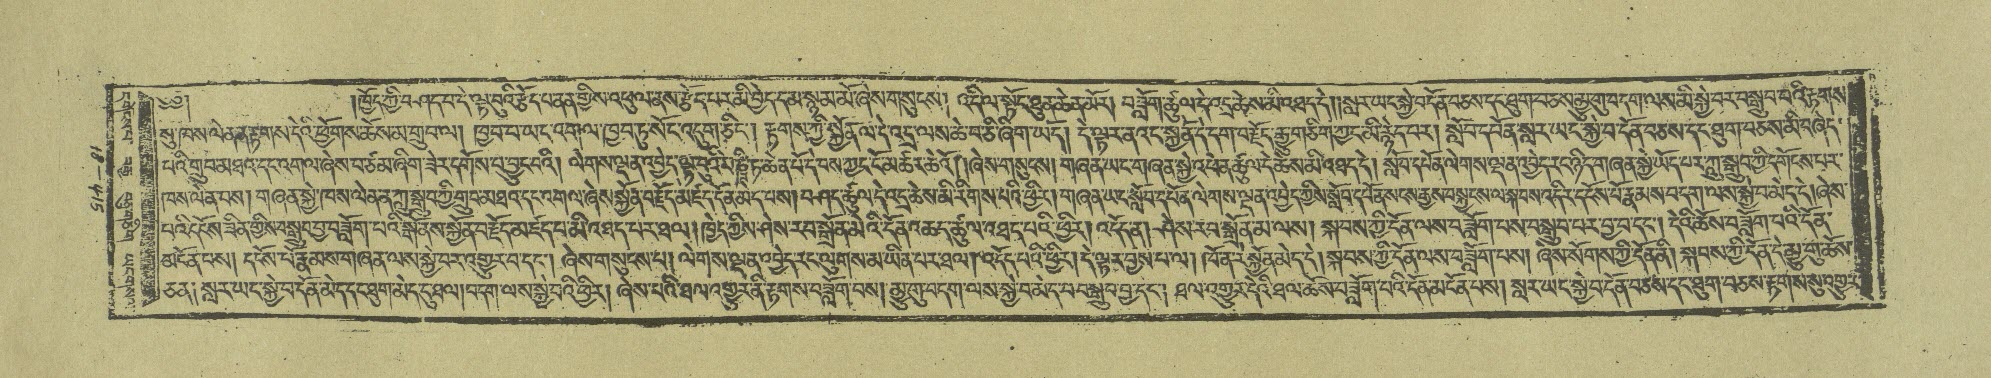༄༅། །ཁྱད་ཀྱི་བཤད་པ་དེ་ལྟ་བུའི་རྩོད་པ་ནན་གྱིས་འཕུལ་ནས་རྩོད་པར་མི་བྱེད་དམ་སྙམ་མོ་ཞེས་གསུངས། འདི་ལ་སྟོང་ཐུན་ཆེན་མོར། བཟློག་ཚུལ་དེ་འདྲ་ཆེས་མི་འཐད་དེ། །སླར་ཡང་སྐྱེ་བ་དོན་བཅས་དང་ཐུག་བཅས་མྱུ་གུ་བདག་ལས་མི་སྐྱེ་བར་བསྒྲུབ་པའི་རྟགས་
སུ་ཁས་ལེན་ན་རྟགས་དེའི་ཕྱོགས་ཆོས་མ་གྲུབ་ལ། ཁྱབ་པ་ཡང་འགལ་ཁྱབ་ཏུ་སོང་འདུག་ཅིང་། རྟགས་ཀྱི་སྐྱོན་ལ་དེ་འདྲ་ལས་ཆེ་བ་ཅི་ཞིག་ཡོད། དེ་ལྟར་ནའང་སྐྱོན་དེ་དག་བརྗོད་རྒྱུ་གཅིག་ཀྱང་མི་རྙེད་པར། སློབ་དཔོན་སླར་ཡང་སྐྱེ་བ་དོན་བཅས་དང་ཐུག་བཅས་མི་བཞེད་
པའི་གྲུབ་མཐའ་དང་འགལ་ཞེས་བ་ཙམ་ཞིག་ཟེར་དགོས་པ་བྱུང་བའི། ལེགས་ལྡན་འབྱེད་ལྟ་བུའི་པཎྜི་ཏ་ཆེན་པོ་དེ་བས་ཀྱང་ངོ་མཚར་ཆེའོ། །ཞེས་གསུངས། གཞན་ཡང་གཞན་སྐྱེ་འཕེན་ཚུལ་དེ་ཆོས་མི་འཐད་དེ། སློབ་དཔོན་ལེགས་ལྡན་འབྱེད་རང་ཉིད་གཞན་སྐྱེ་ཡོད་པར་ཀླུ་སྒྲུབ་ཀྱི་དགོངས་པར་
ཁས་ལེན་པས། གཞན་སྐྱེ་ཁས་ལེན་ན་ཀླུ་སྒྲུབ་ཀྱི་གྲུབ་མཐའ་དང་འགལ་ཞེས་སྐྱོན་བརྗོད་མཛད་དོན་མེད་པས། བཤད་ཚུལ་དེ་འདྲ་ཆེས་མི་རིགས་པའི་ཕྱིར། གཞན་ཡང་སློབ་དཔོན་ལེགས་ལྡན་འབྱེད་ཀྱིས་སློབ་དཔོན་སངས་རྒྱས་བསྐྱངས་ལ་སྐབས་འདིར་དངོས་པོ་རྣམས་བདག་ལས་སྐྱེ་བ་མེད་དེ། ཞེས་
པའི་དངོས་ཟིན་གྱིས་བསྒྲུབ་བྱ་བཟློག་པའི་སྒོ་ནས་སྐྱོན་བརྗོད་མཛད་པ་མི་འཐད་པར་ཐལ། ཁྱེད་ཀྱིས་ཤེས་རབ་སྒྲོན་མེའི་དོན་འཆད་ཚུལ་འཐད་པའི་ཕྱིར། འདོད་ན། ཤེས་རབ་སྒྲོན་མ་ལས། སྐབས་ཀྱི་དོན་ལས་བཟློག་པས་བསྒྲུབ་པར་བྱ་བ་དང་། དེའི་ཆོས་བཟློག་པའི་དོན་
མངོན་པས། དངོས་པོ་རྣམས་གཞན་ལས་སྐྱེ་བར་འགྱུར་བ་དང་། ཞེས་གསུངས་པ། ལེགས་ལྡན་འབྱེད་རང་ལུགས་མ་ཡིན་པར་ཐལ། འདོད་པའི་ཕྱིར། དེ་ལྟར་བྱས་པ་ལ། ཁོ་ན་རེ་སྐྱོན་མེད་དེ། སྐབས་ཀྱི་དོན་ལས་བཟློག་པས། ཞེས་སོགས་ཀྱི་དོན་ནི། སྐབས་ཀྱི་དོན་དེ་མྱུ་གུ་ཆོས་
ཅན། སླར་ཡང་སྐྱེ་བ་དོན་མེད་དང་ཐུག་མེད་དུ་ཐལ། བདག་ལས་སྐྱེ་བའི་ཕྱིར། ཞེས་པའི་ཐལ་འགྱུར་ནི་རྟགས་བཟློག་པས། མྱུ་གུ་བདག་ལས་སྐྱེ་བ་མེད་པར་བསྒྲུབ་བྱ་དང་། ཐལ་འགྱུར་དེའི་ཐལ་ཆོས་བཟློག་པའི་དོན་མངོན་པས། སླར་ཡང་སྐྱེ་བ་དོན་བཅས་དང་ཐུག་བཅས་རྟགས་སུ་འགྱུར་